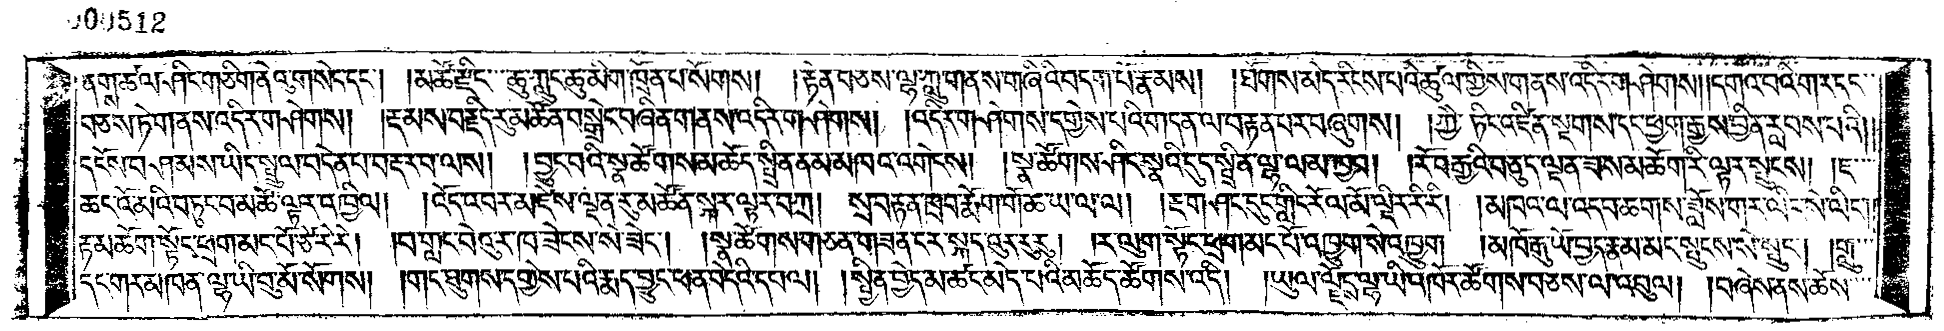ནགས་ཤིང་གཅིག་ནེ་འུ་གསེང་དང་། །མཚོ་རྫིང་ཆུ་ཀླུང་ཆུ་མིག་ཁྲོན་པ་སོགས། །རྟེན་བཅས་ལྷ་ཀླུ་གནས་གཞིའི་བདག་པོ་རྣམས། །ཐོགས་མེད་རིངས་པའི་ཚུལ་གྱིས་གནས་འདིར་གཤེགས། །དགའ་བའི་གར་དང་
བཅས་ཏེ་གནས་འདིར་གཤེགས། །རྡམས་བརྗིད་དུ་མཚོན་བསྒྲེང་བཞིན་གནས་འདིར་གཤེགས། །འདིར་གཤེགས་དགྱེས་པའི་གདན་ལ་བརྟན་པར་བཞུགས། །ཀྱཻ་ཏིང་འཛིན་སྔགས་དང་ཕྱག་རྒྱས་བྱིན་རླབས་པའི། །
དངོས་བཤམས་ཡིད་སྤྲུལ་བདེན་པ་བརྡར་བ་ལས། །བྱུང་བའི་སྣ་ཚོགས་མཆོད་སྤྲིན་ནམ་མཁའ་འགེངས། །སྣ་ཚོགས་ཤིང་སྣའི་དུད་སྤྲིན་ལྷ་ལམ་ཁྱབ། །རོ་བརྒྱའི་བཅུད་ལྡན་ཟས་མཆོག་རི་ལྟར་སྤུངས། །ཇ་
ཆང་འོ་མའི་བཏུང་བ་མཚོ་ལྟར་འཁྱིལ། །འོད་འབར་མཛེས་ལྡན་རུ་མཚོན་སྐར་ལྟར་བཀྲ། སྲ་བརྟན་ཁྲབ་རྨོག་གོ་ཆ་ཡ་ལ་ལ། །རྔ་གཤང་དུང་གླིང་རོལ་མོ་ལྡིར་རི་རི། །མཁའ་ལ་འདབ་ཆགས་ཟློས་གར་ལིང་སེ་ལིང་། །
རྟ་མཆོག་སྟོང་ཕྲག་མང་པོ་ཙེ་རེ་རེ། །བ་གླང་བེའུ་ར་ཁ་ཟེངས་སེ་ཟེང་། །སྣ་ཚོགས་གཅན་གཟན་ངར་སྐད་འུར་རུ་རུ། །ར་ལུག་སྟོང་ཕྲག་མང་པོ་འཁྱུག་སེ་འཁྱུག །མཁོ་རྒུ་ཡོ་བྱད་རྣམ་མང་སྤུངས་སེ་སྤུང་། །གླུ་
དང་གར་མཁན་ལྷ་ཡི་བུ་མོ་སོགས། །གང་ཐུགས་དགྱེས་པའི་རྨད་བྱུང་ཕན་བདེའི་དཔལ། །སྦྱིན་བྱེད་མ་ཚང་མེད་པའི་མཆོད་ཚོགས་འདི། །ཡུལ་ལྗོངས་ལྷ་ཡི་འཁོར་ཚོགས་བཅས་ལ་འབུལ། །བཞེས་ནས་ཆོས་